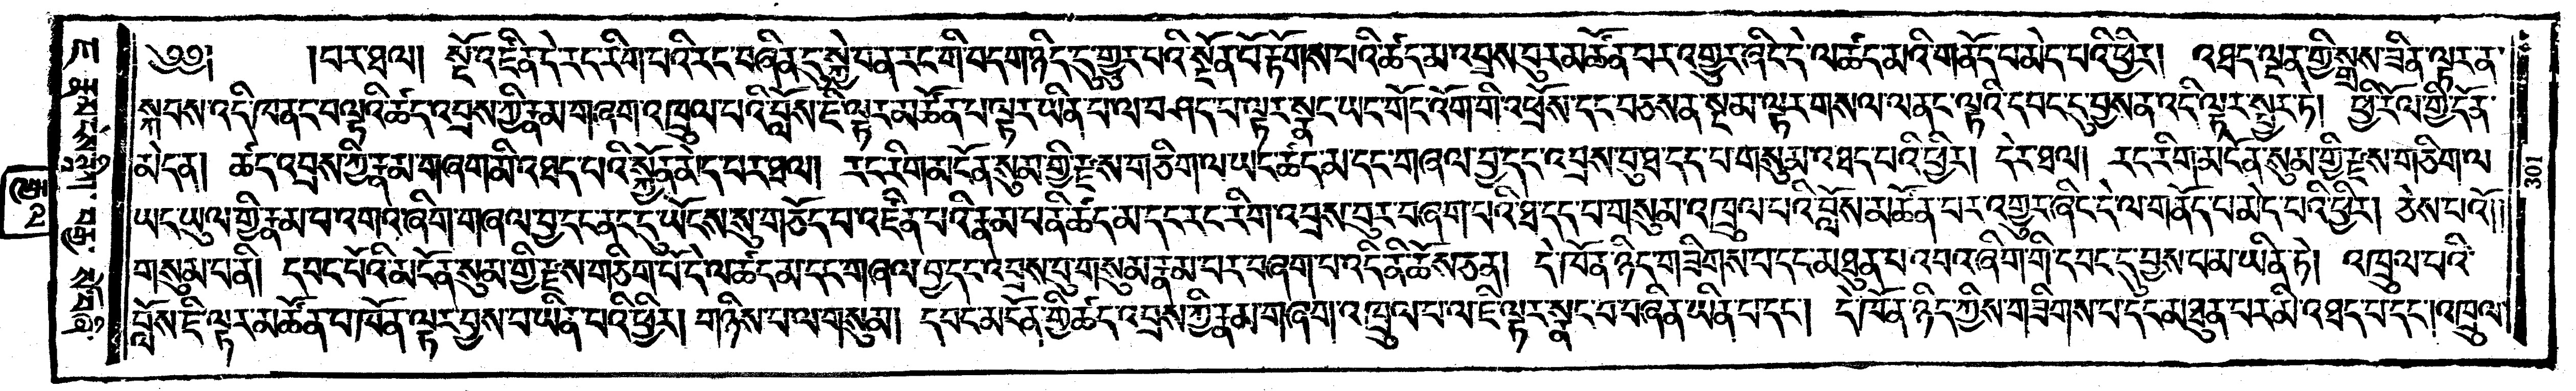༄༅། །པར་ཐལ། སྔོ་འཛིན་དེ་རང་རིག་པའི་རང་བཞིན་དུ་སྐྱེ་བ་ན་རང་གི་བདག་ཉིད་དུ་གྱུར་པའི་སྔོན་པོ་རྟོགས་པའི་ཚད་མ་འབྲས་བུར་མཚོན་པར་འགྱུར་ཞིང་དེ་ལ་ཚད་མའི་གནོད་པ་མེད་པའི་ཕྱིར། འཐད་ལྡན་གྱི་སྒྲས་ཟིན་ལྟར་ན་
སྐབས་འདི་ཁ་ནང་བལྟའི་ཚད་འབྲས་ཀྱི་རྣམ་གཞག་འཁྲུལ་བའི་བློས་ཇི་ལྟར་མཚོན་པ་ལྟར་ཡིན་པ་ལ་བཤད་པ་ལྟར་སྣང་ཡང་གོང་འོག་གི་འཕྲོས་དང་བཅས་ན་སྔ་མ་ལྟར་གསལ་ལ་ནང་ལྟའི་དབང་དུ་བྱས་ན་འདི་ལྟར་སྦྱར་ཏེ། ཕྱི་རོལ་གྱི་དོན་
མེད་ན། ཚད་འབྲས་ཀྱི་རྣམ་གཞག་མི་འཐད་པའི་སྐྱོན་མེད་པར་ཐལ། རང་རིག་མངོན་སུམ་གྱི་རྫས་གཅིག་ལ་ཡང་ཚད་མ་དང་གཞལ་བྱ་དང་འབྲས་བུ་ཐ་དད་པ་གསུམ་འཐད་པའི་ཕྱིར། དེར་ཐལ། རང་རིག་མངོན་སུམ་གྱི་རྫས་གཅིག་ལ་
ཡང་ཡུལ་གྱི་རྣམ་པ་འགའ་ཞིག་གཞལ་བྱ་དང་ནང་དུ་ཡོངས་སུ་གཅོད་པ་འཛིན་པའི་རྣམ་པ་ནི་ཚད་མ་དང་རང་རིག་འབྲས་བུར་བཞག་པའི་ཐ་དད་པ་གསུམ་འཁྲུལ་པའི་བློས་མཚོན་པར་འགྱུར་ཞིང་དེ་ལ་གནོད་པ་མེད་པའི་ཕྱིར། ཅེས་པའོ།།
གསུམ་པ་ནི། དབང་པོའི་མངོན་སུམ་གྱི་རྫས་གཅིག་པོ་དེ་ལ་ཚད་མ་དང་གཞལ་བྱ་དང་འབྲས་བུ་གསུམ་རྣམ་པར་བཞག་པ་འདི་ནི་ཆོས་ཅན། དེ་ཁོ་ན་ཉིད་གཟིགས་པ་དང་མཐུན་པ་འབའ་ཞིག་གི་དབང་དུ་བྱས་པ་མ་ཡིན་ཏེ། འཁྲུལ་པའི་
བློས་ཇི་ལྟར་མཚོན་པ་ཁོ་ན་ལྟར་བྱས་པ་ཡིན་པའི་ཕྱིར། གཉིས་པ་ལ་གསུམ། དབང་མངོན་གྱི་ཚད་འབྲས་ཀྱི་རྣམ་གཞག་འཁྲུལ་པ་ལ་ཇི་ལྟར་སྣང་བ་བཞིན་ཡིན་པ་དང་། དེ་ཁོ་ན་ཉིད་ཀྱིས་གཟིགས་པ་དང་མཐུན་པར་མི་འཐད་པ་དང་། འཁྲུལ་